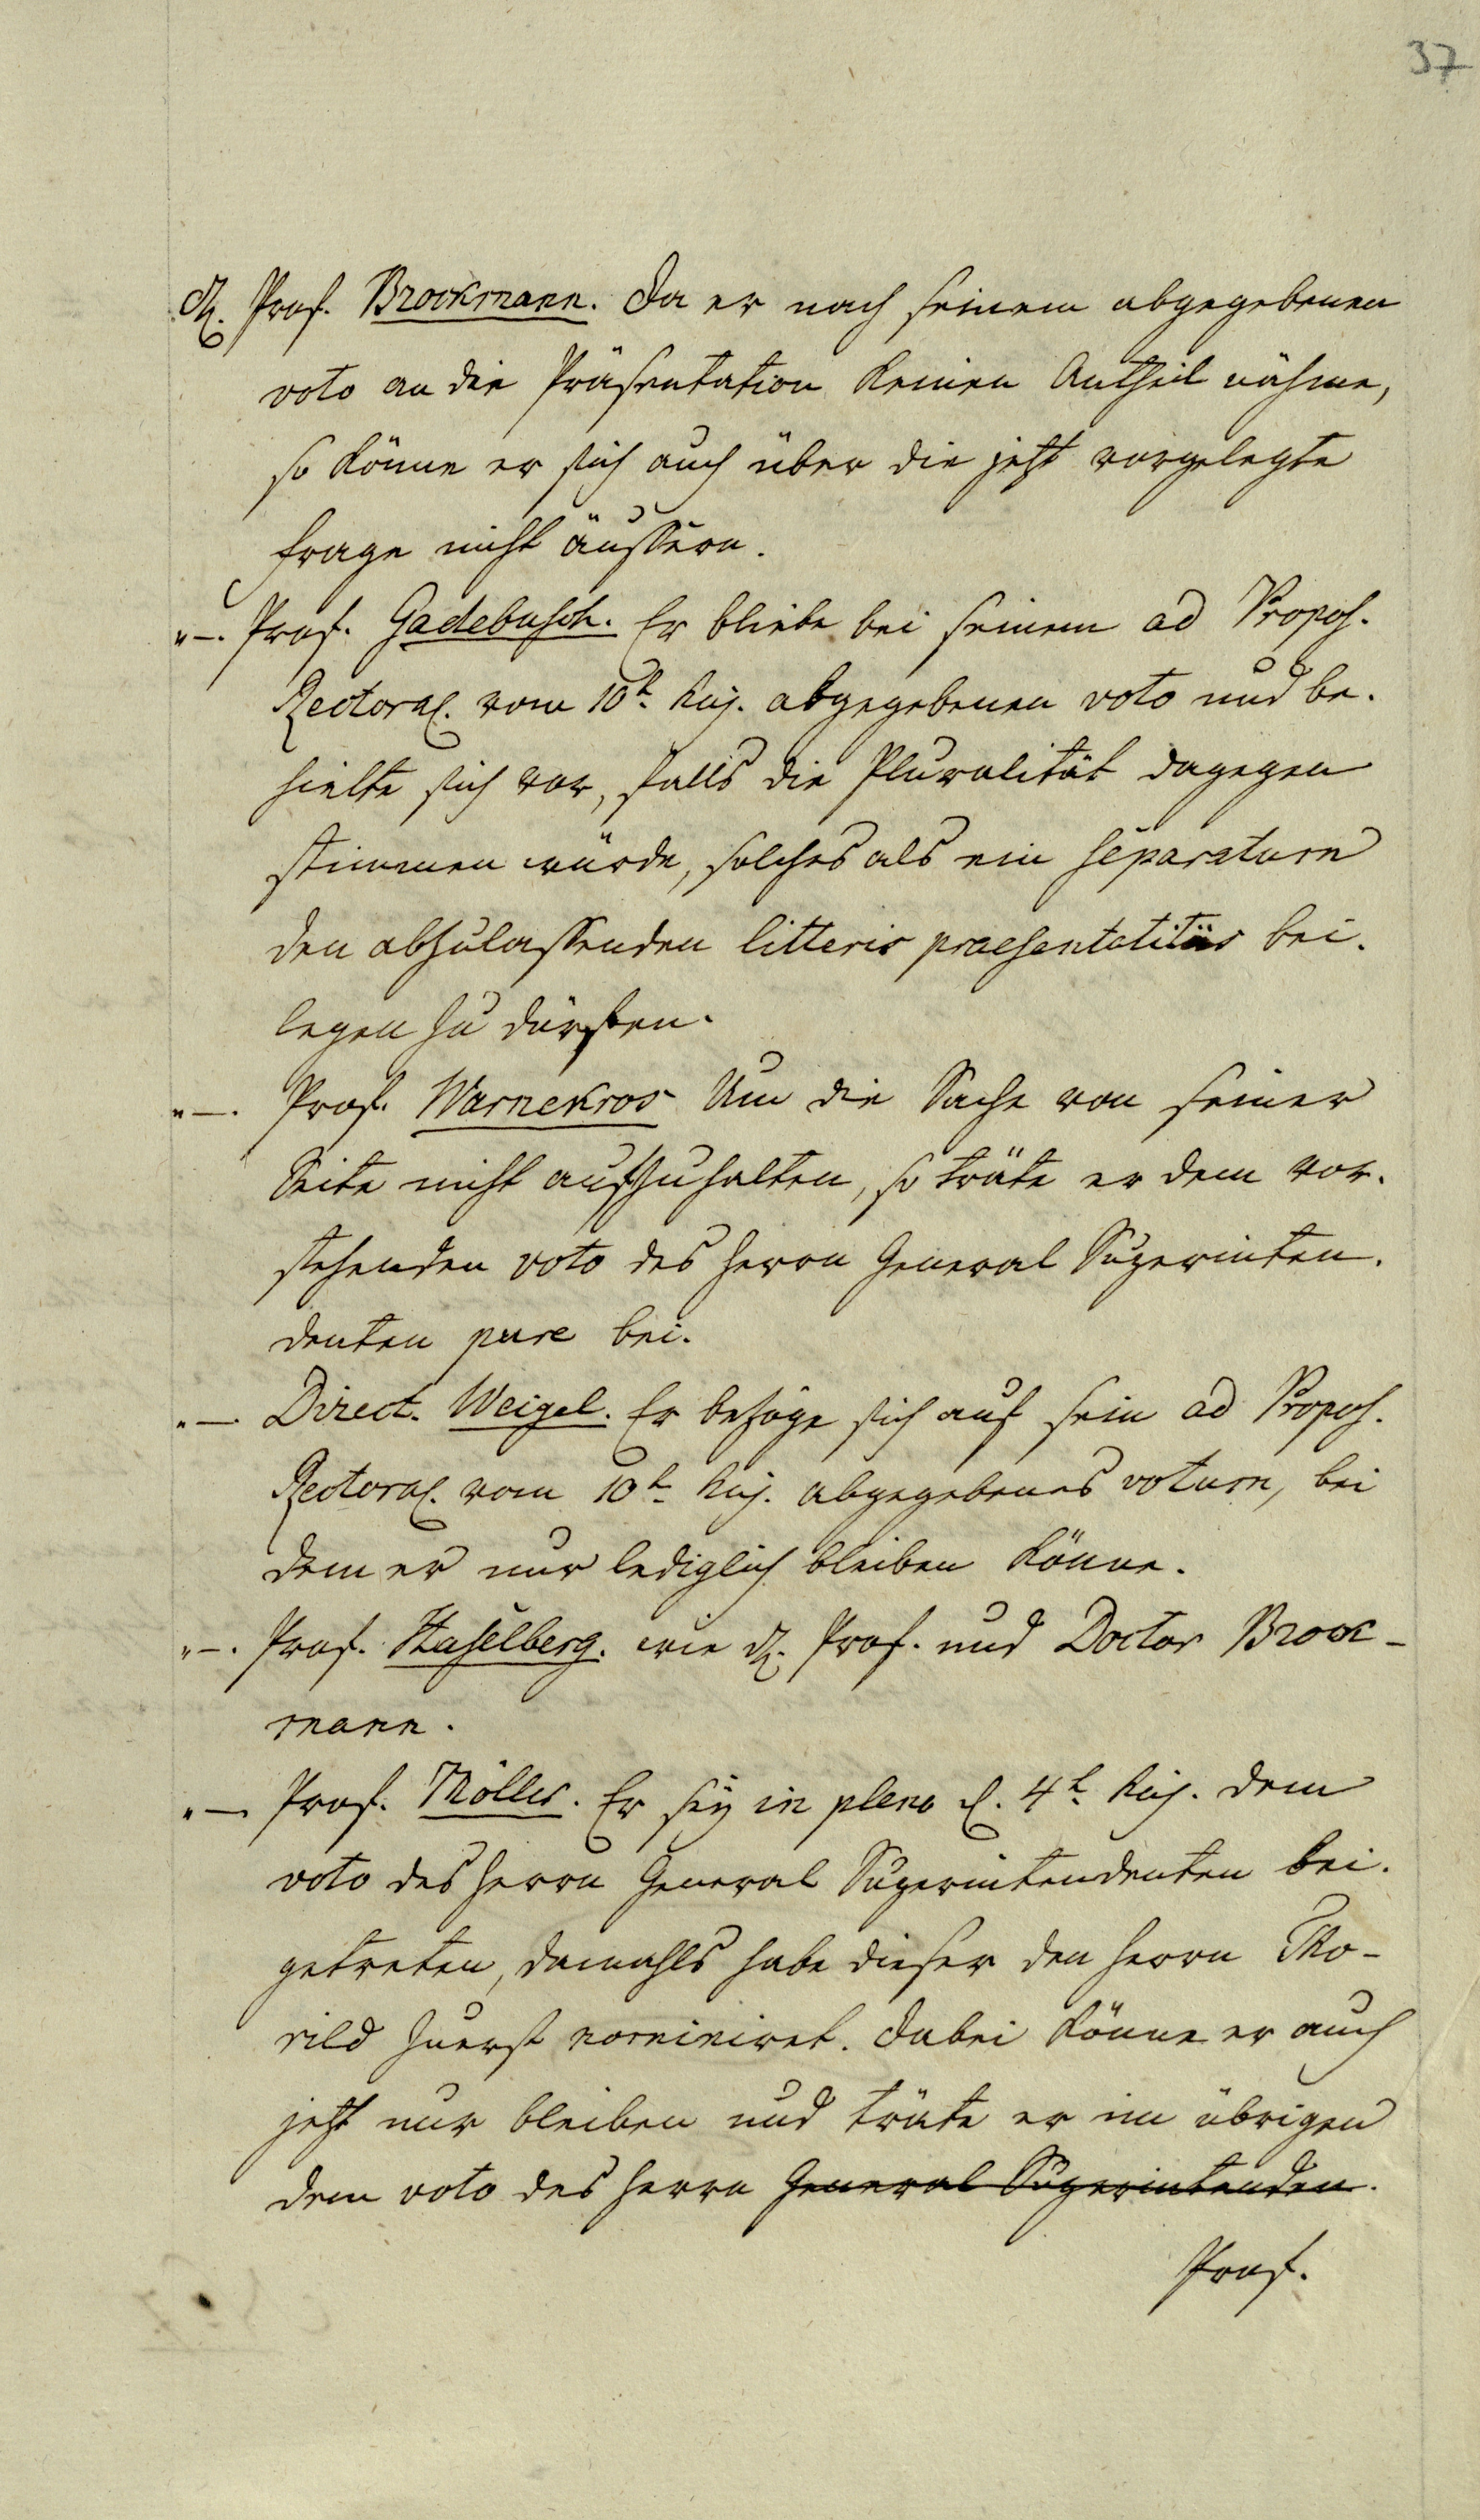dh. Prof. Brockmann. da er nach seinem abgegebenen
voto an der Präsentation keinen Antheil nähme,
so könne er sich auch über die jetzt vorgelegte
Frage nicht äussern.
" — . Prof. Gadebusch. Er bleibe bei seinem ad Propos.
Rectoral. vom 10t. huj. abgegebenen voto und be¬
hielte sich vor, falls die Pluralität dagegen
stimmen würde, solches als ein separatum
den abzulassenden litteris praesentatitiis bei¬
legen zu dürfen.
" — . Prof. Warneckros Um die Sache von seiner
Seite nicht aufzuhalten, so träte er dem vor¬
stehenden voto des Herrn General Superinten¬
denten pure bei.
" — . Direct. Weigel. Er bezöge sich auf sein ad Propos.
Rectoral. vom 10t. huj. abgegebenes votum, bei
dem er nur lediglich bleiben könne.
" — . Prof. Haselberg. wie dh. Prof. und Doctor Brock¬
mann.
" — . Prof. Möller. Er seÿ in pleno d. 4t. huj. dem
voto des Herrn General Superintendenten bei¬
getreten, damahls habe dieser den Herrn Tho¬
rild zuerst nominiret. Dabei könne er auch
jetzt nur bleiben und träte er im übrigen
dem voto des Herrn General Superintendenten
Prof.